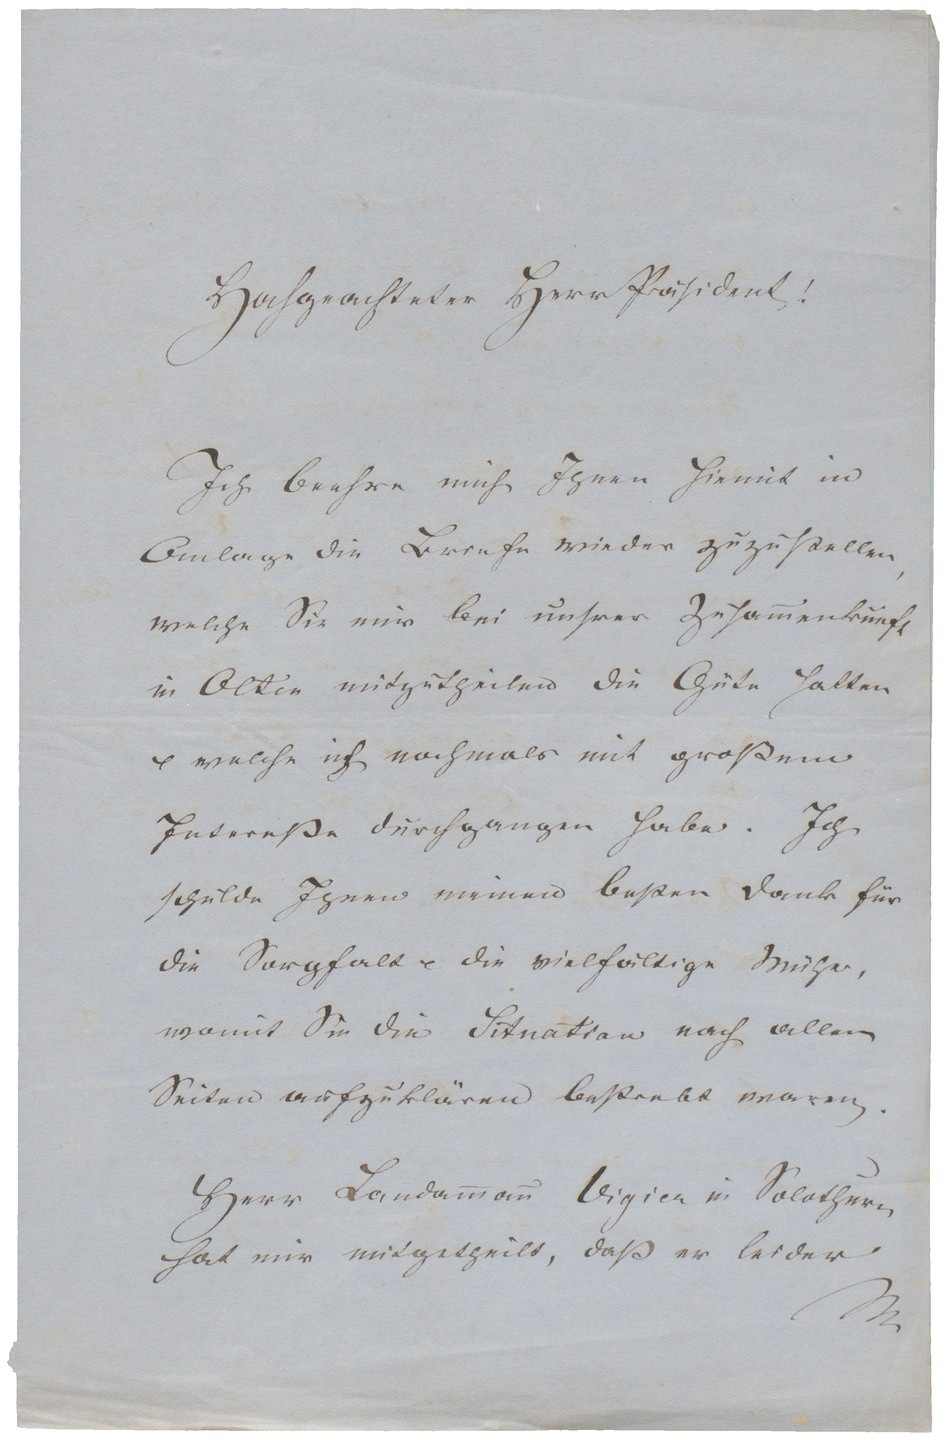Hochgeachteter Herr Präsident!
Ich beehre mich Ihnen hiemit in
Anlage die Briefe wieder zuzustellen,
welche Sie mir bei unsrer Zusammenkunft
in Olten mitzutheilen die Güte hatten
& welche ich nochmals mit großem
Intereße durchgangen habe. Ich
schulde Ihnen meinen besten Dank für
die Sorgfalt & die vielfältige Mühe,
womit Sie die Situation nach allen
Seiten aufzuklären bestrebt waren.
Herr Landammann Vigier in Solothurn
hat mir mitgetheilt, daß er leider